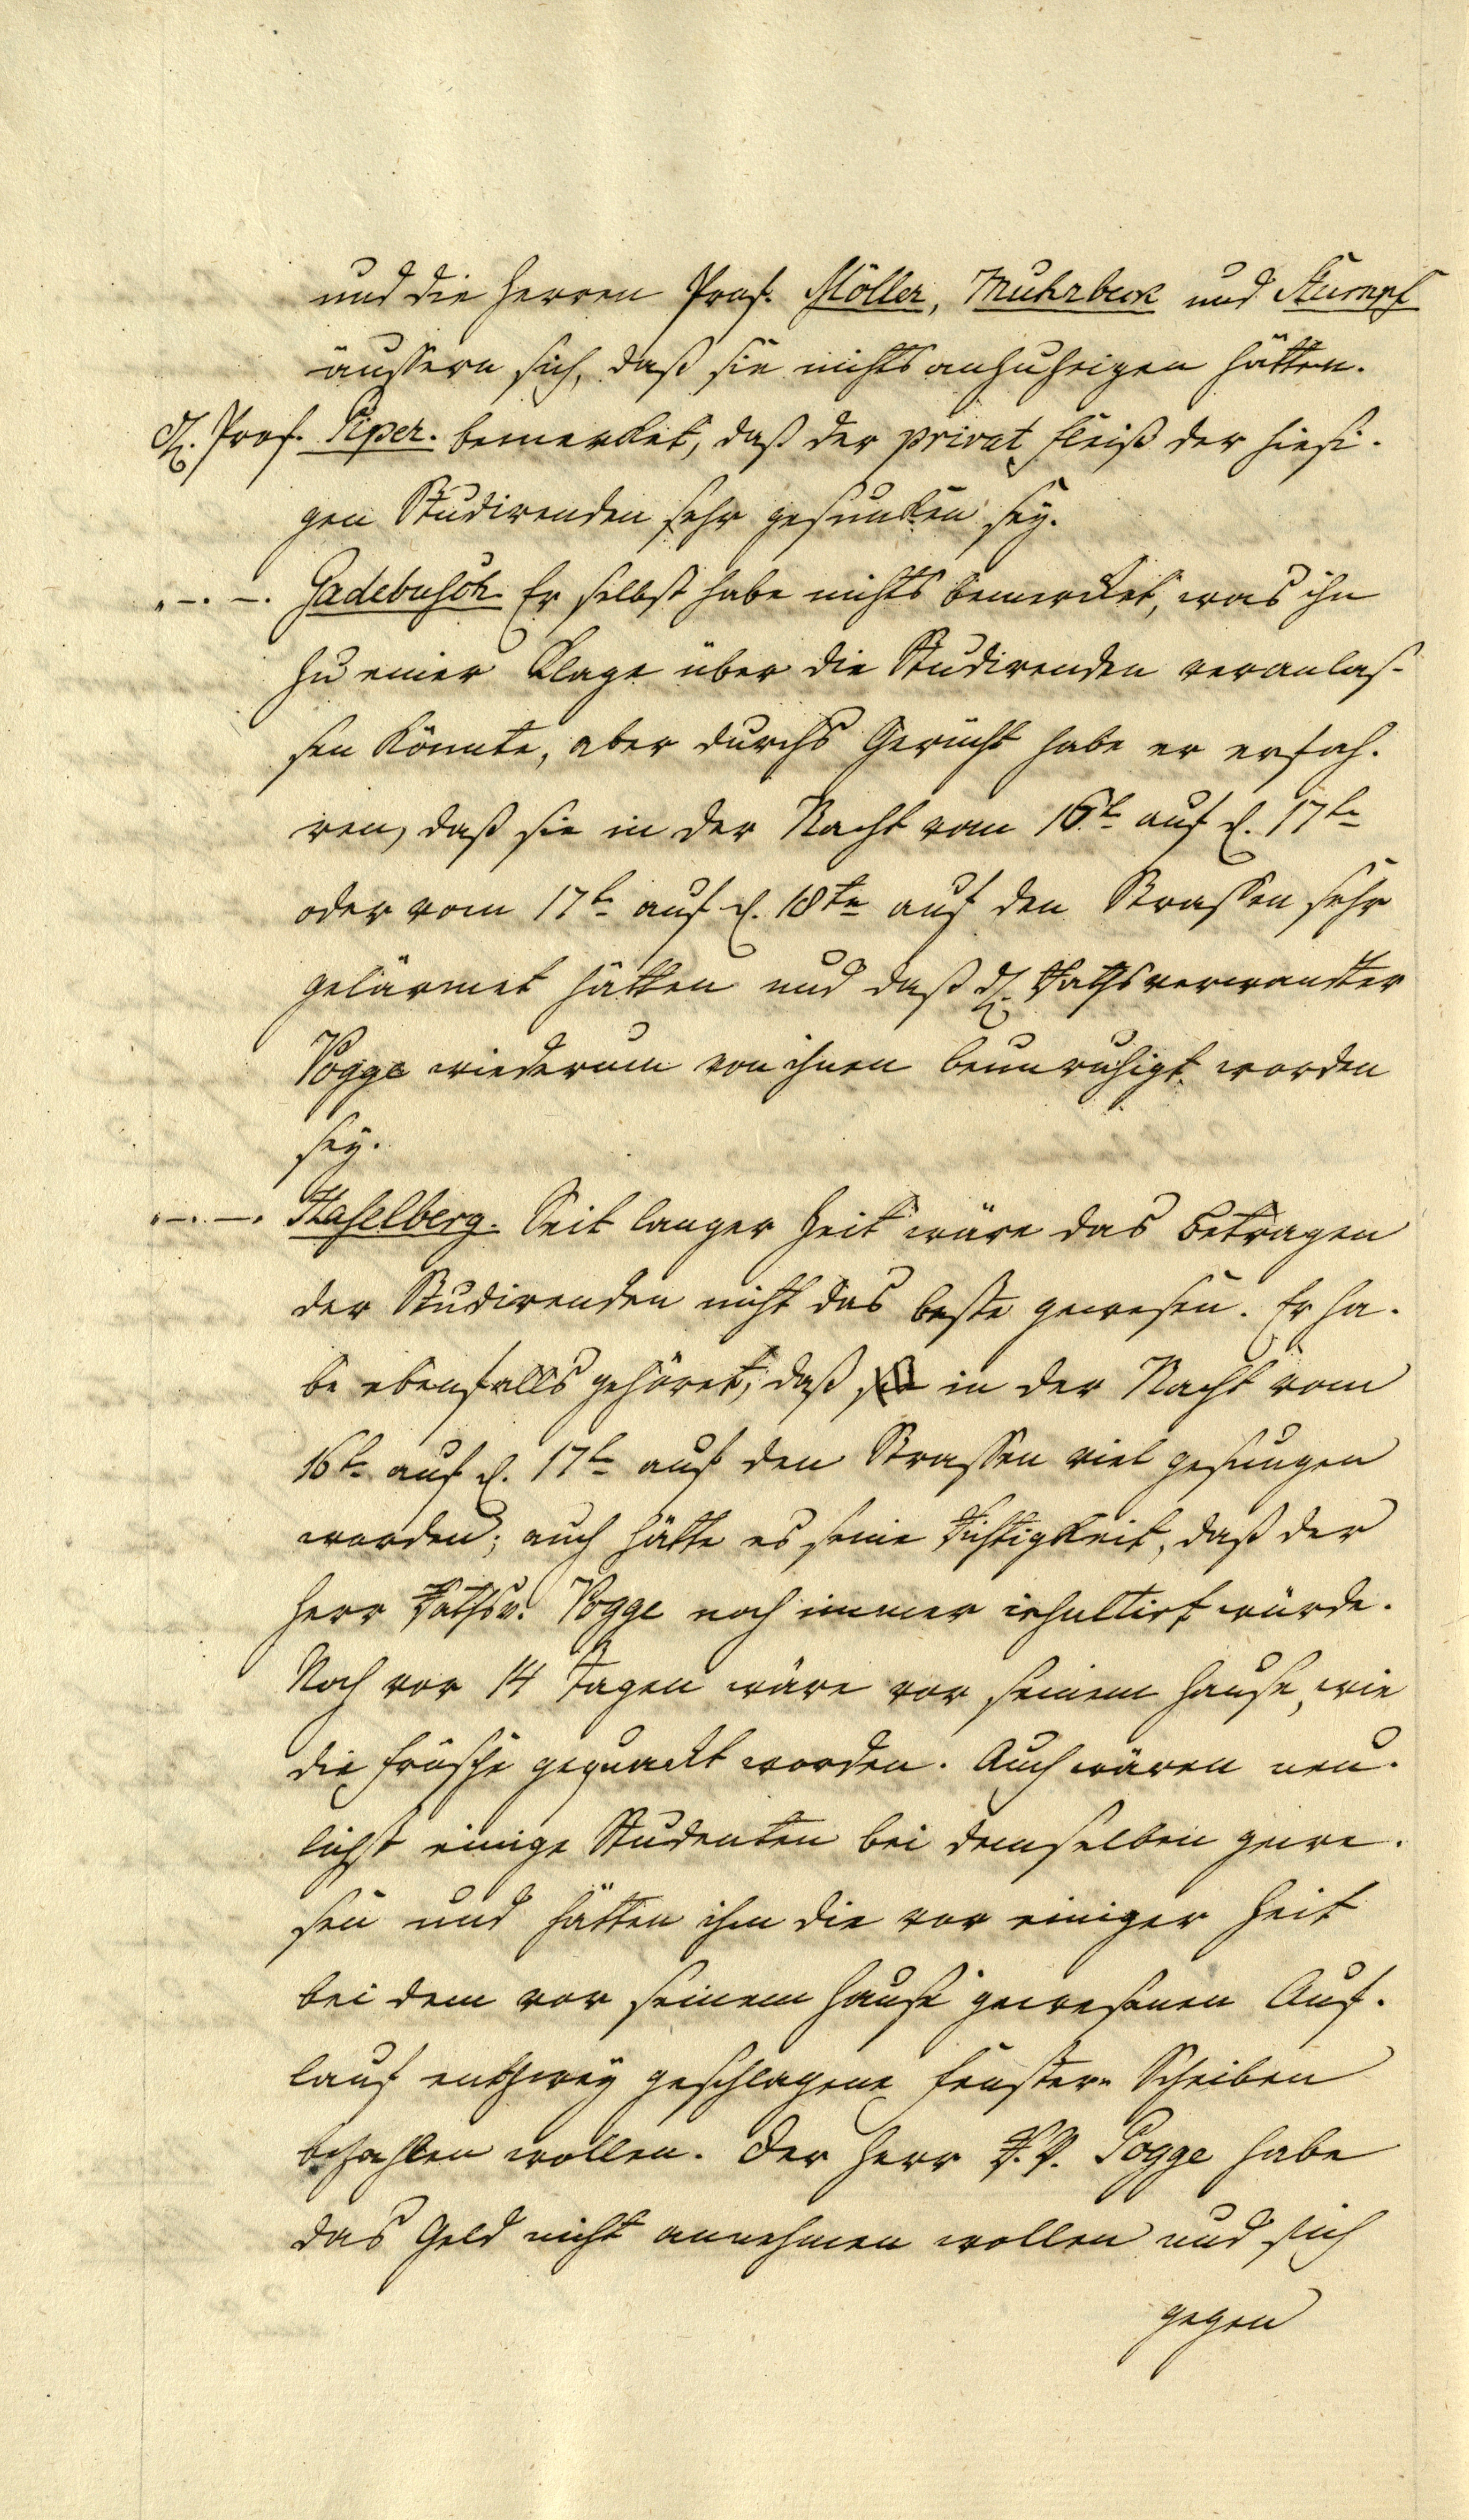und die Herren Prof. Möller, Muhrbeck und Stumpf
äussern sich, daß sie nichts anzuzeigen hätten.
dh. Prof. Piper. bemerket, daß der privat Fleiß der hiesi-
gen Studirenden sehr gesunken sey.
" - " - " Gadebusch. Er selbst habe nichts bemerket, was ihn
zu einer Klage über die Studirenden veranlas-
sen könnte, aber durchs Gerücht habe er erfah-
ren, daß sie in der Nacht vom 16ten auf d. 17ten
oder vom 17ten auf d. 18ten auf den Strassen sehr
gelärmet hätten und daß dh. Rathsverwandter
Pogge wiederum von ihnen beunruhiget worden
sey.
" - " - " Haselberg. Seit langer Zeit wäre das Betragen
der Studirenden nicht das beste gewesen. Er ha-
be ebenfalls gehöret, daß sie in der Nacht vom
16ten auf d. 17ten auf den Strassen viel gesungen
worden; auch hätte es seine Richtigkeit, daß der
Herr Rathsv. Pogge noch immer insultirt würde.
Noch vor 14 Tagen wäre vor seinem hause, wie
die Frösche gequackt worden. Auch wären neu-
licht einige Studenten bei demselben gewe-
sen und hätten ihm die vor einiger Zeit
bei dem vor seinem hause gewesenen Auf-
lauf entzwey geschlagene Fenster Scheiben
bezahlen wollen. Der Herr R. V. Pogge habe
das Geld nicht annehmen wollen und sich
gegen